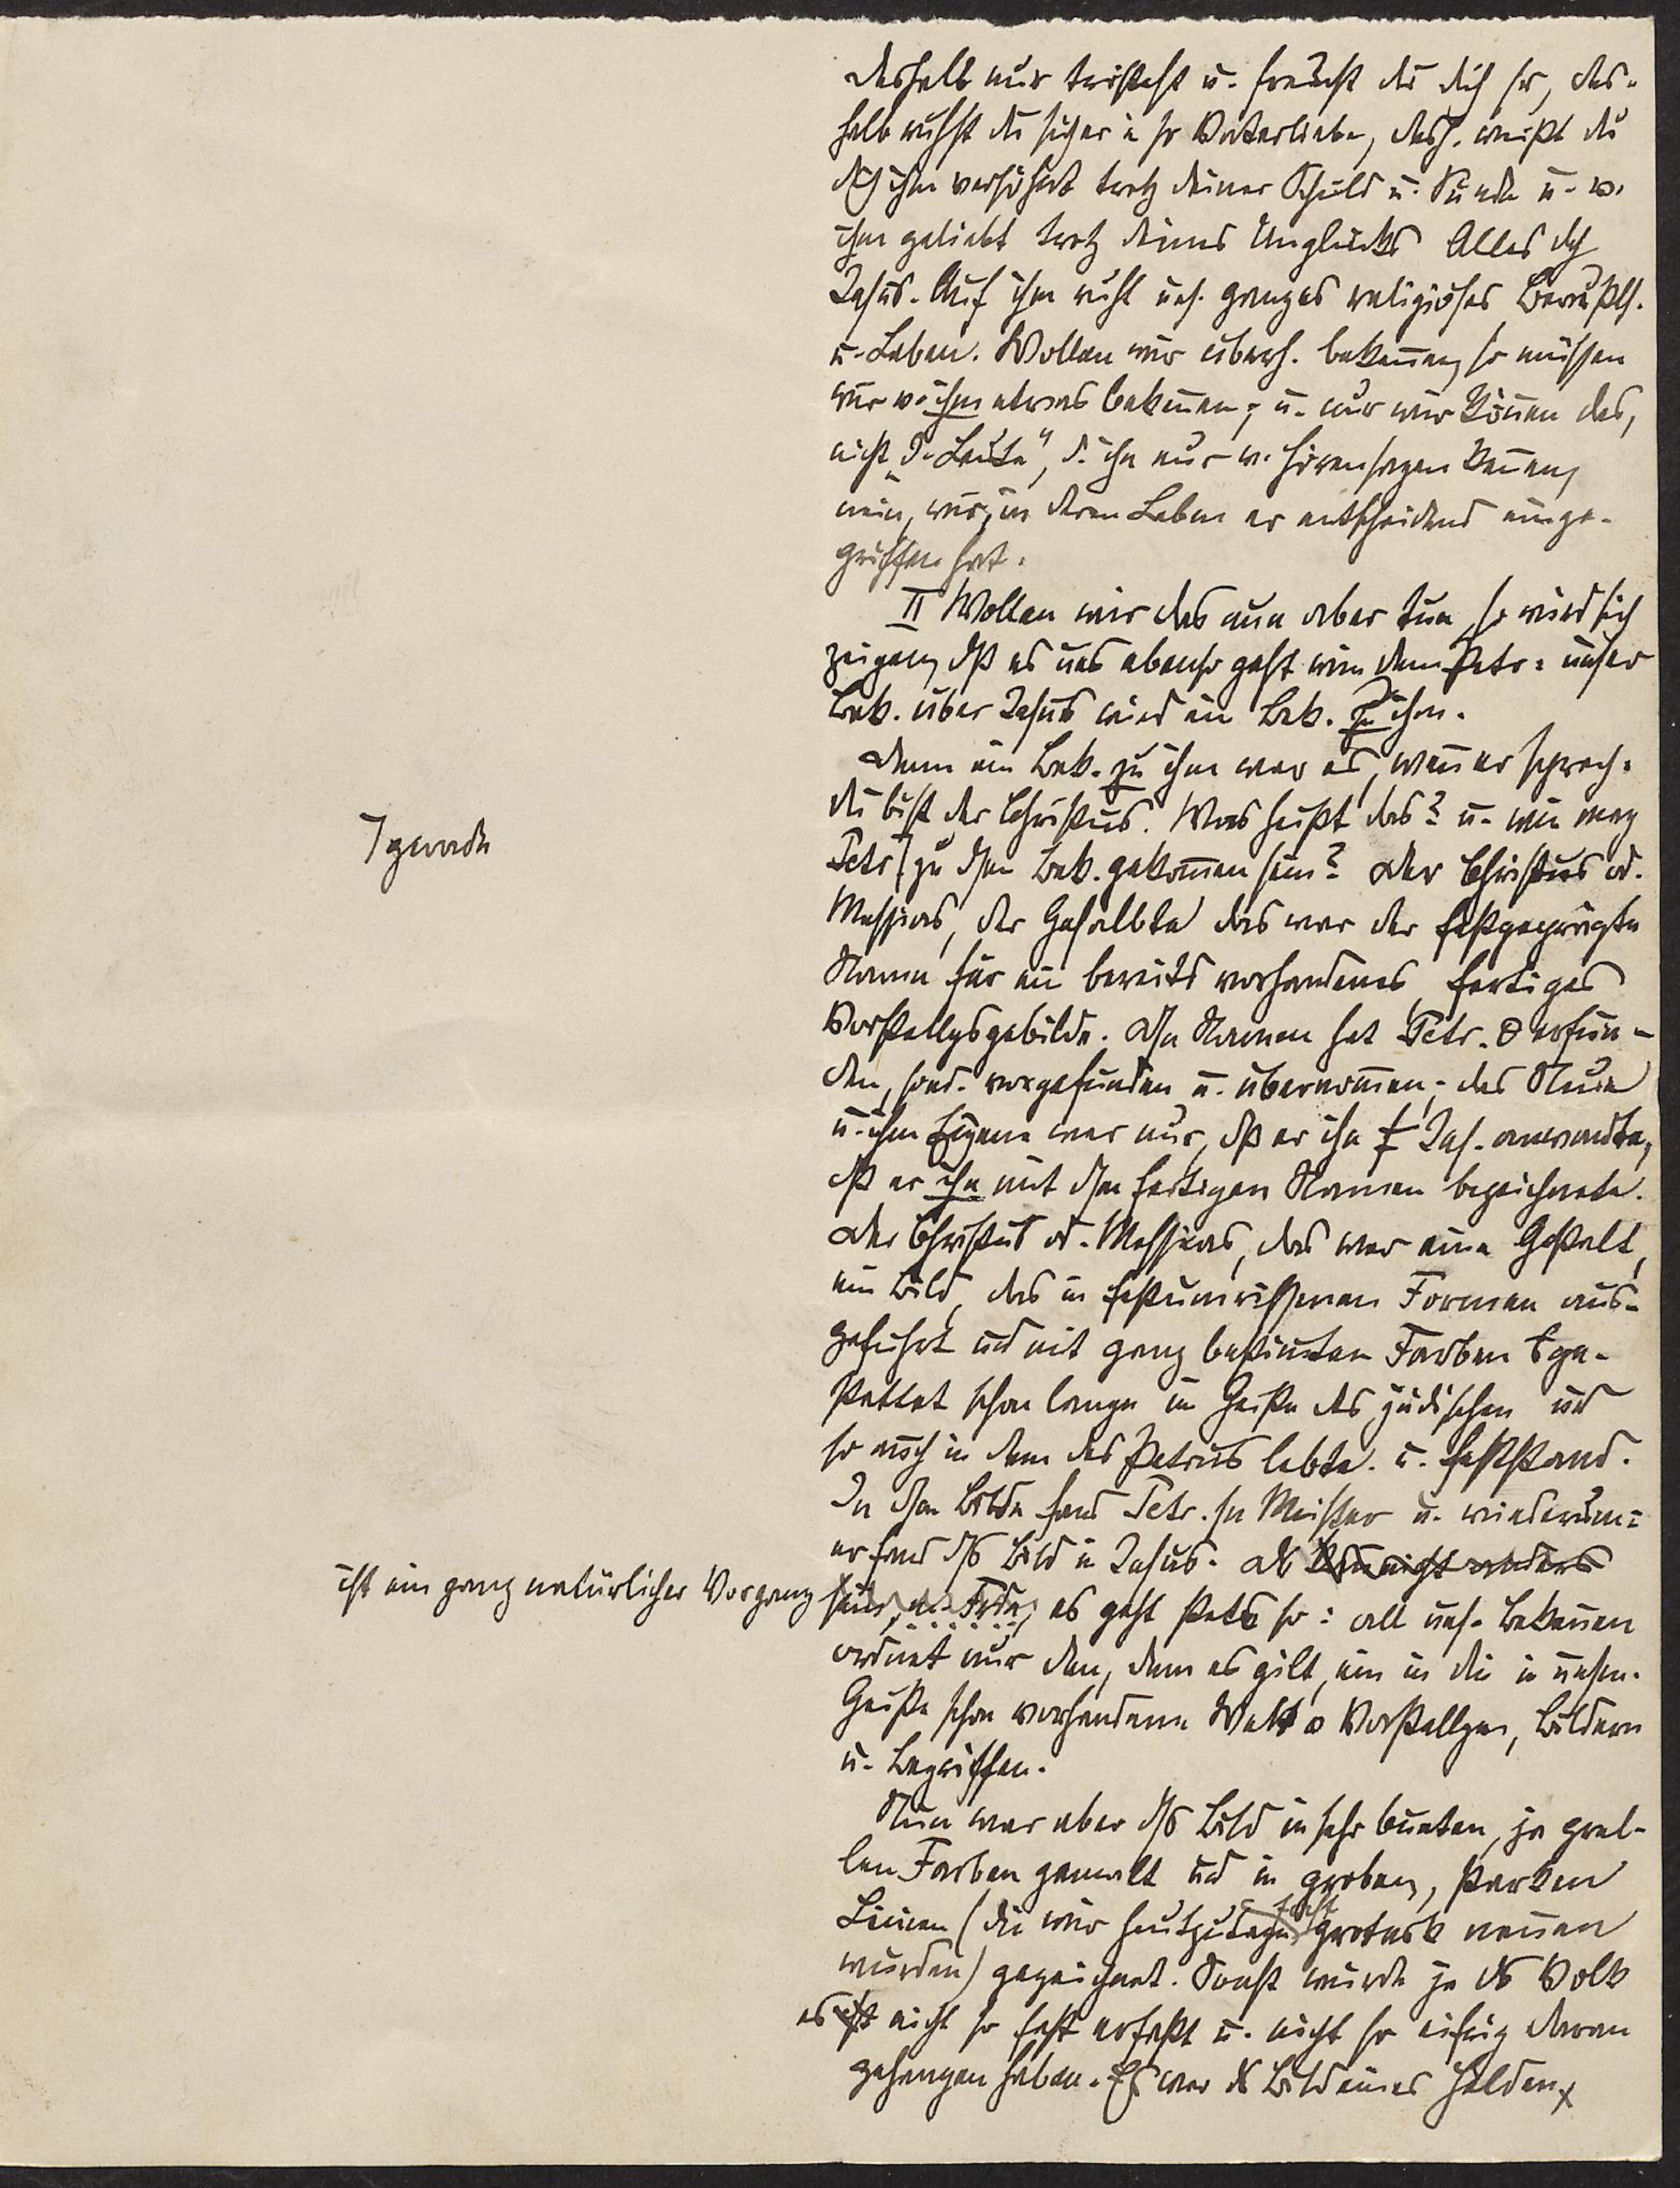] gerade
ist ein ganz natürlicher Vorgang
Deshalb nur tröstest u. feust du dich sr, des¬
halb ruhst du sicher in sr Vaterliebe, desh. weißt du
dich ihm versöhnet trotz deiner Schuld u. Sünde u. v.
ihm geliebt trotz deines Unglücks Alles dch
Jesus. Auf ihm ruht uns. ganzes religiöses Bewußts.
u. Leben. Wollen wir überh. bekenen, so müssen
wir v. ihm etwas bekenen; u. nur wir können das,
nicht "d. Leute", d. ihn nur v. hörensagen kenen,
nein, wir, in deren Leben er entscheiden einge¬
griffen hat.
II. Wollen wir das nun aber tun, so wird sich
zeigen, daß es uns ebenso geht wie dem Petr: unser
Bek. über Jesus wird ein Bek zu ihm.
Denn ein Bek. zu ihm war es, wen er spracht:
Du bist der Christus. Was heißt das? u. wie mag
Petr. ] zu dsm Bek. gekomen sein? Der Christus od.
Messias, der Gesalbte das war der festgeprägte
Name für ein bereits vorhandenes, fertiges
Vorstellgsgebilde. Dsn Namen hat Petr. o erfun¬
den, sond. vorgefunden u. übernomen; das Neue
u. ihm Eigene war nur, daß er ihn f Jes. anwandte,
daß er ihn mit dsm fertigen Namen bezichnete.
Der Christus od. Messias, das war eine Gestalt,
ein Bild, das in festumrissenen Formen aus¬
geführt und mit ganz bestimten Farben sge¬
stattet schon lange im Geiste des jüdischen und
so auch in dem des Petrus lebte u. feststand.
Im dsm Bilde fand Petr. sn Meister u. wiederum:
er fand dss Bild in Jesus. Da kan nicht anders
sein, m. Frde, es geht stets so: all uns. Bekenen
ordnet nur dem, dem es gilt, ein in die in unsm.
Geiste schon vorhandene Welt v. Vorstellgen, Bildern
u. Begriffen.
Nun war aber dss Bild in sher bunten, ja grel¬
len Farben gemalt und in groben, starken
Linien (die wir heutzutage grotesk nenen
würden) gezeichnet. Sonst würde ja ds Volk
es ist nicht so fest erfaßt u. nicht so eifrig daran
gehanden haben. Es war ds Bild eines Helden,